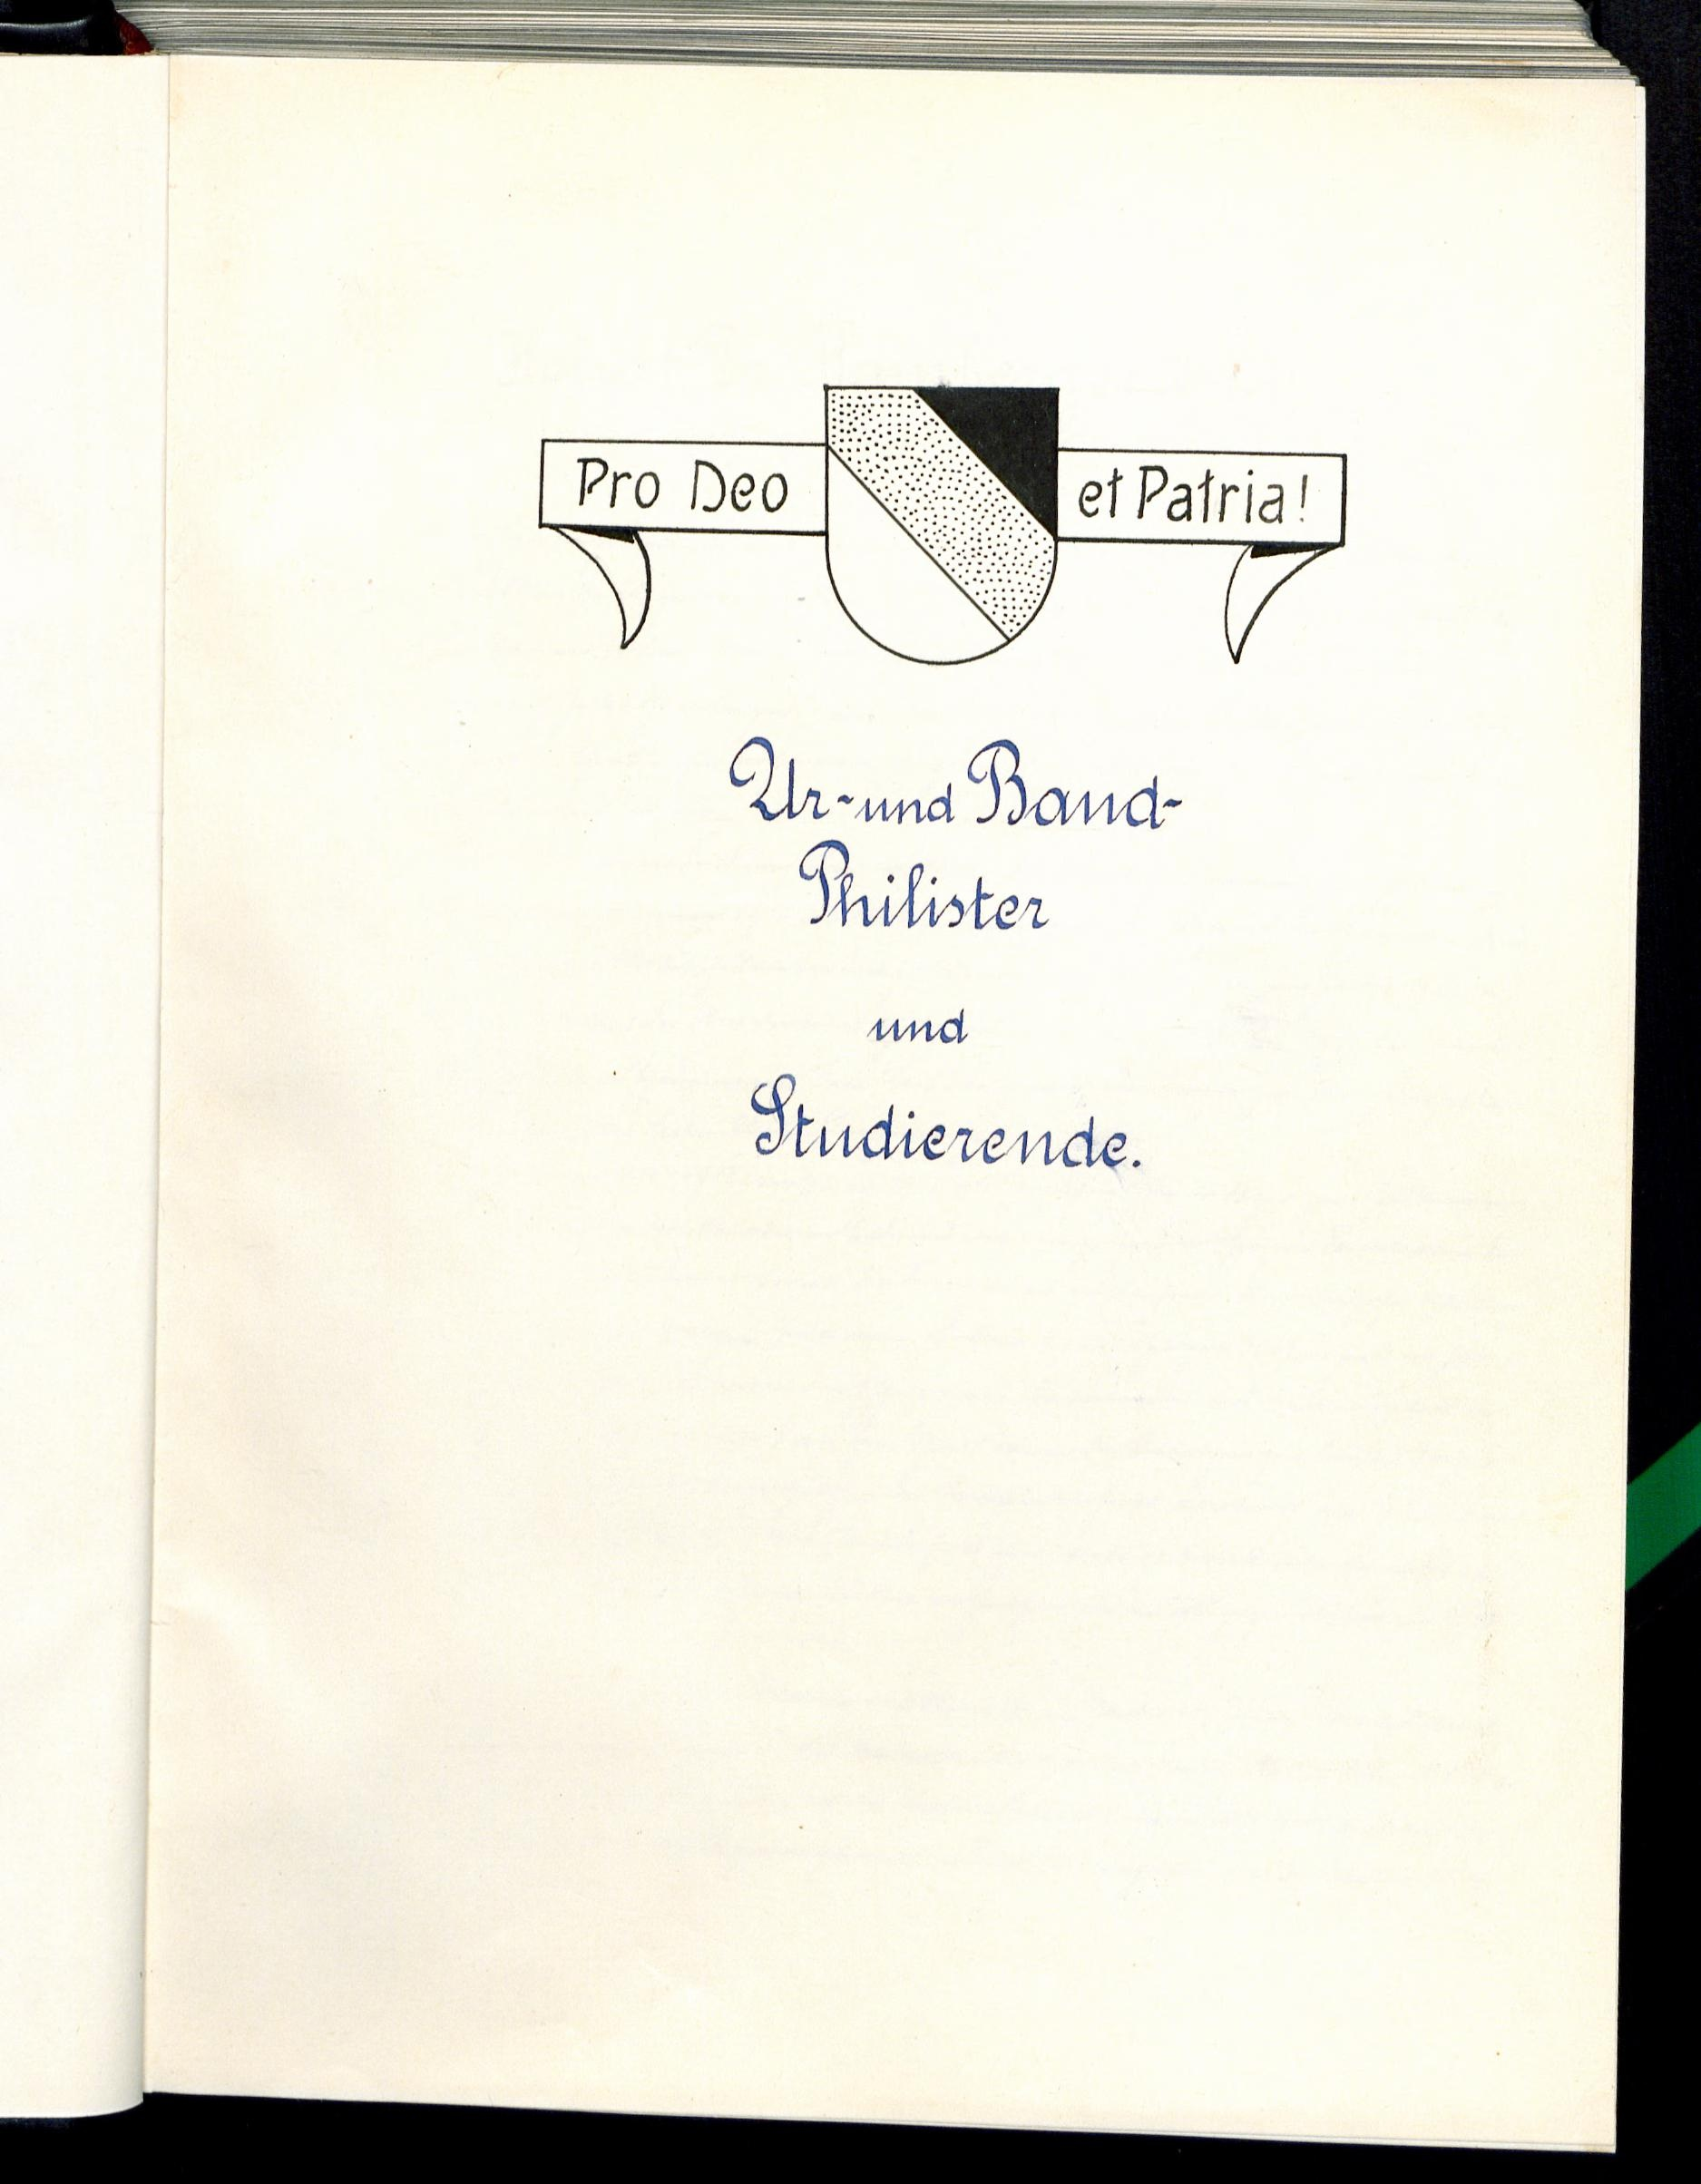Pro Deo et Patria!
Ur- und Band-
Philister
und
Studierende.